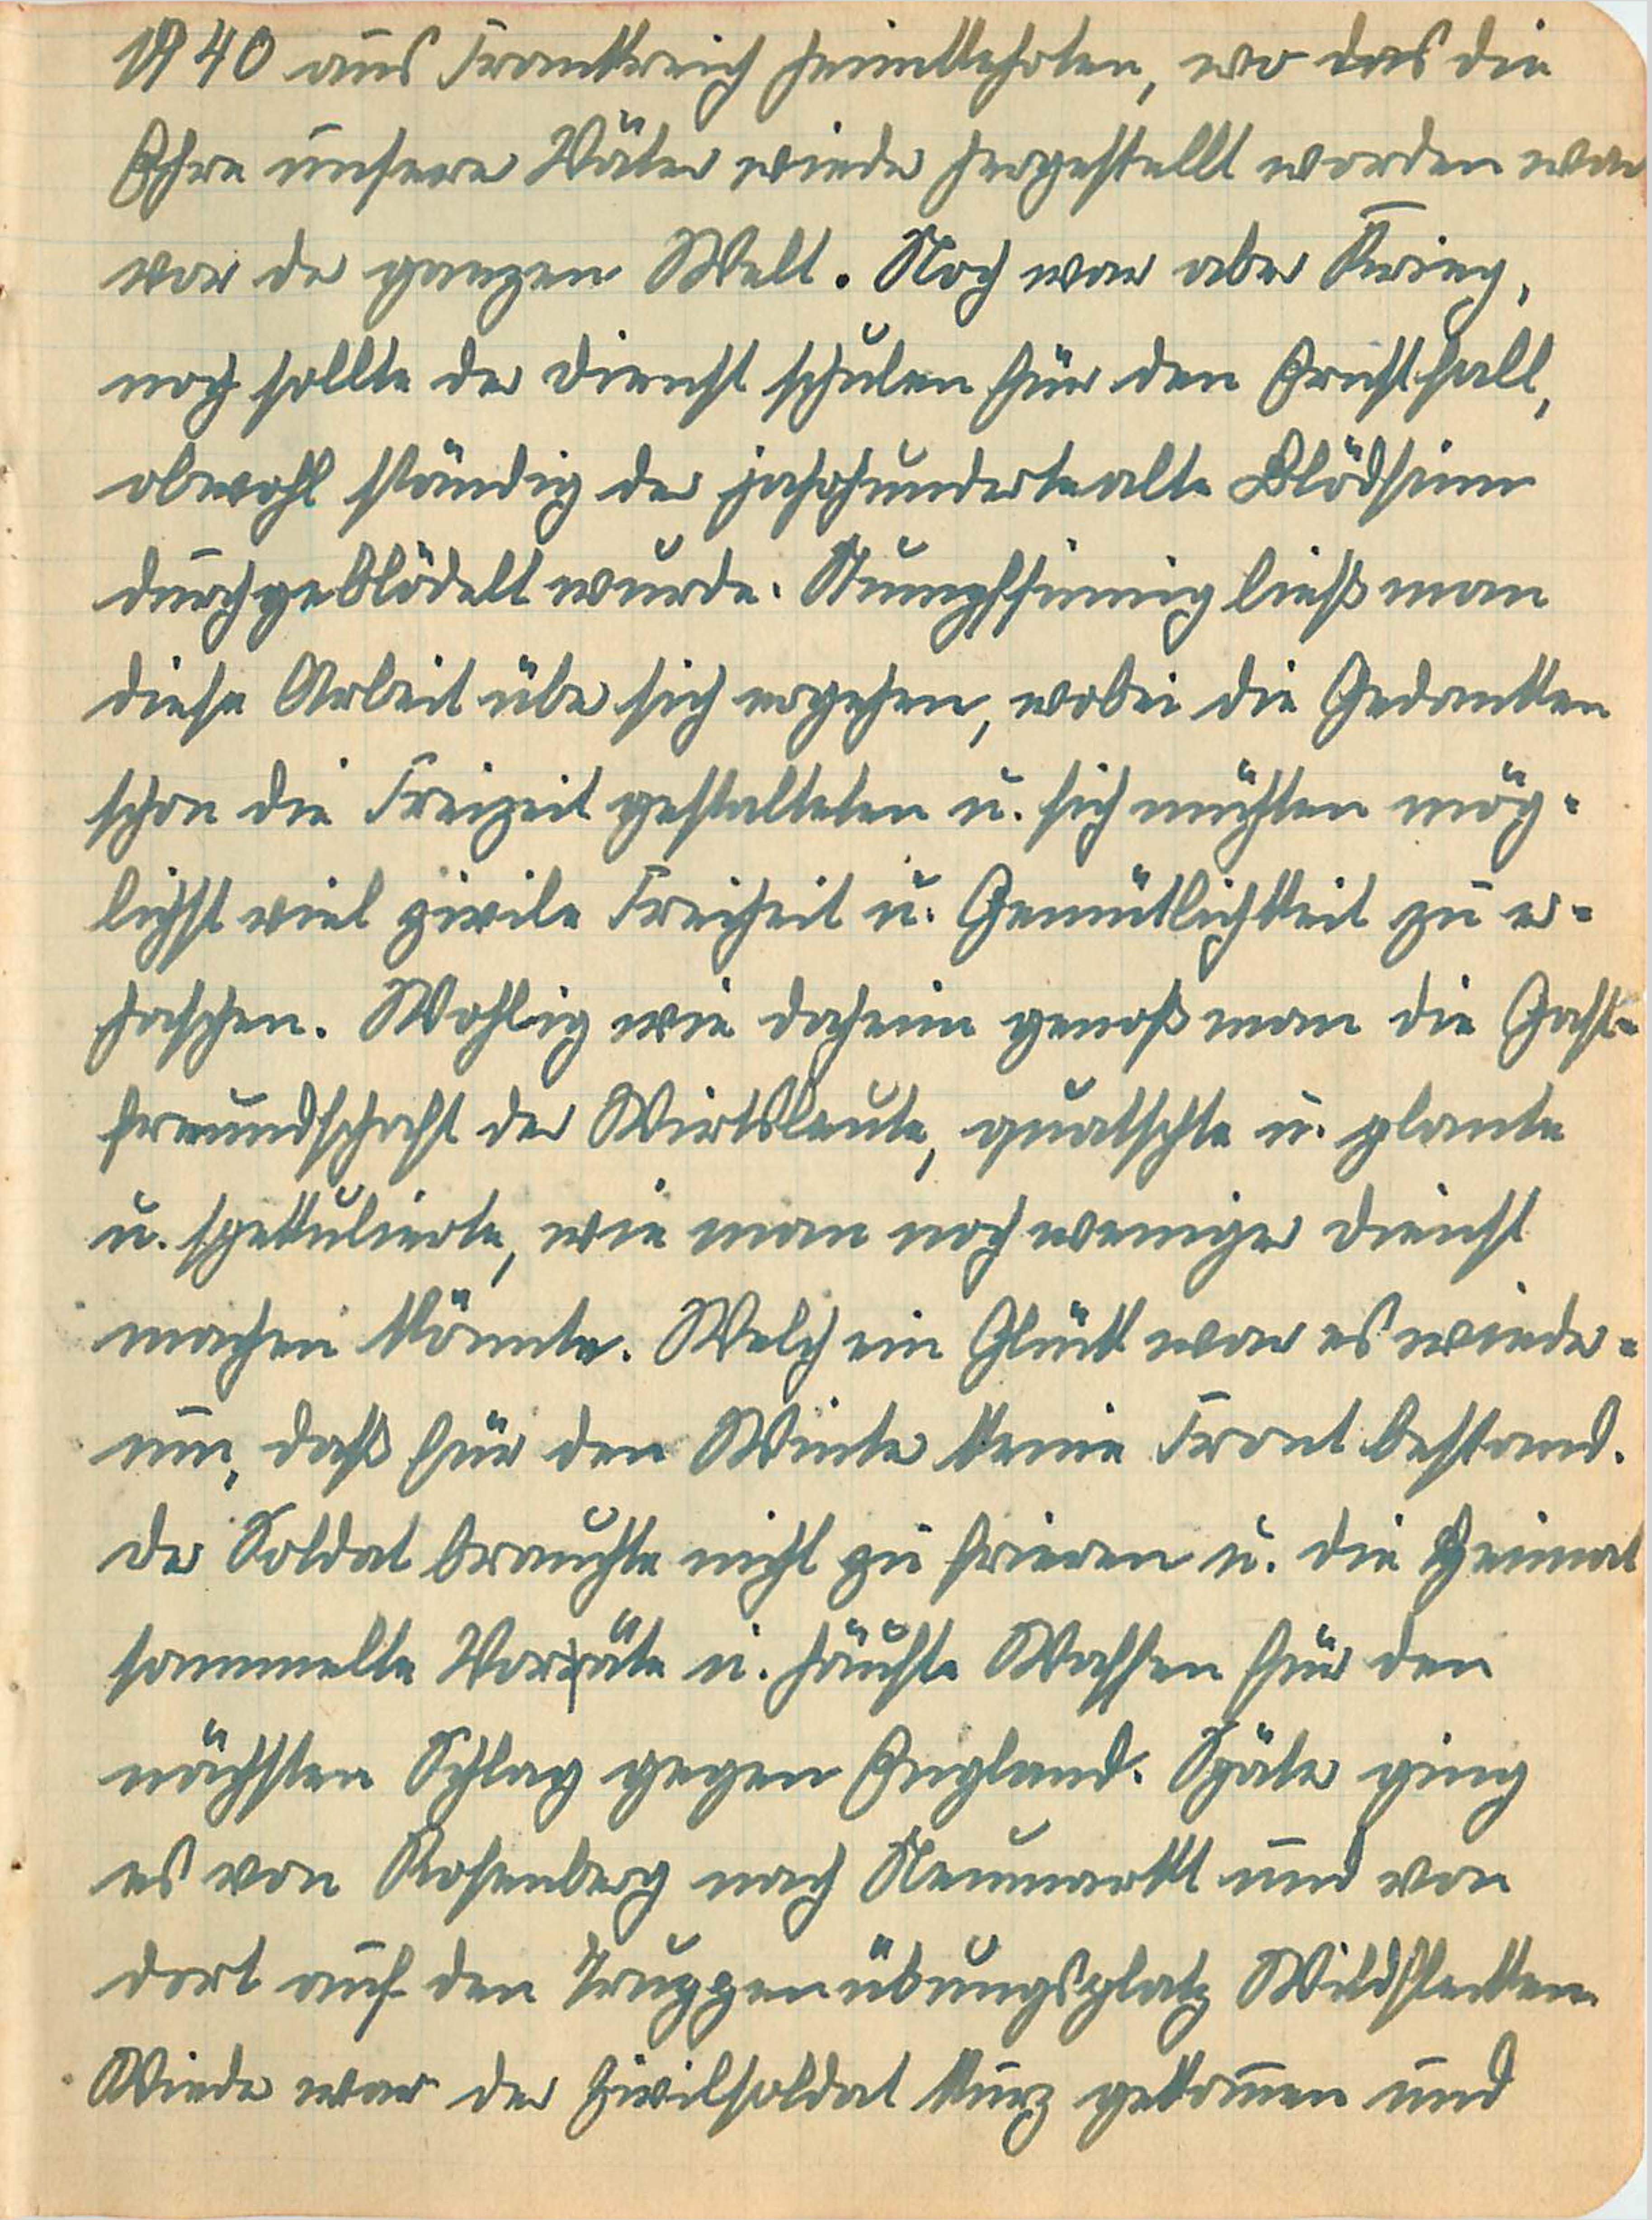1940 aus Frankreich heimkehrten, wo das die
Ehre unsrer Väter wieder hergestellt worden war
vor der ganzen Welt. Noch war aber Krieg,
noch sollte der Dienst schulen für den Ernstfall,
obwohl ständig der jahrhundertealte Blödsinn
durchgeblödelt wurde. Stumpfsinnig ließ man
diese Arbeit über sich ergehen, wobei die Gedanken
schon die Freizeit gestalteten u. sich mühten mög-
lichst viel zivile Freiheit u. Gemütlichkeit zu er-
haschen. Wohlig wie daheim genoß man die Gast-
freundschaft der Wirtsleute, quatschte u. plante
u. spekulierte, wie man noch weniger Dienst
machen könnte. Welch ein Glück war es wieder-
um, daß für den Winter keine Front bestand.
Der Soldat brauchte nicht zu frieren u. die Heimat
sammelte Vorräte u. häufte Waffen für den
nächsten Schlag gegen England. Später ging
es von Rosenberg nach Neumarkt und von
dort auf den Truppenübungsplatz Wildflecken.
Wieder war der Zivilsoldat kurz gekommen und